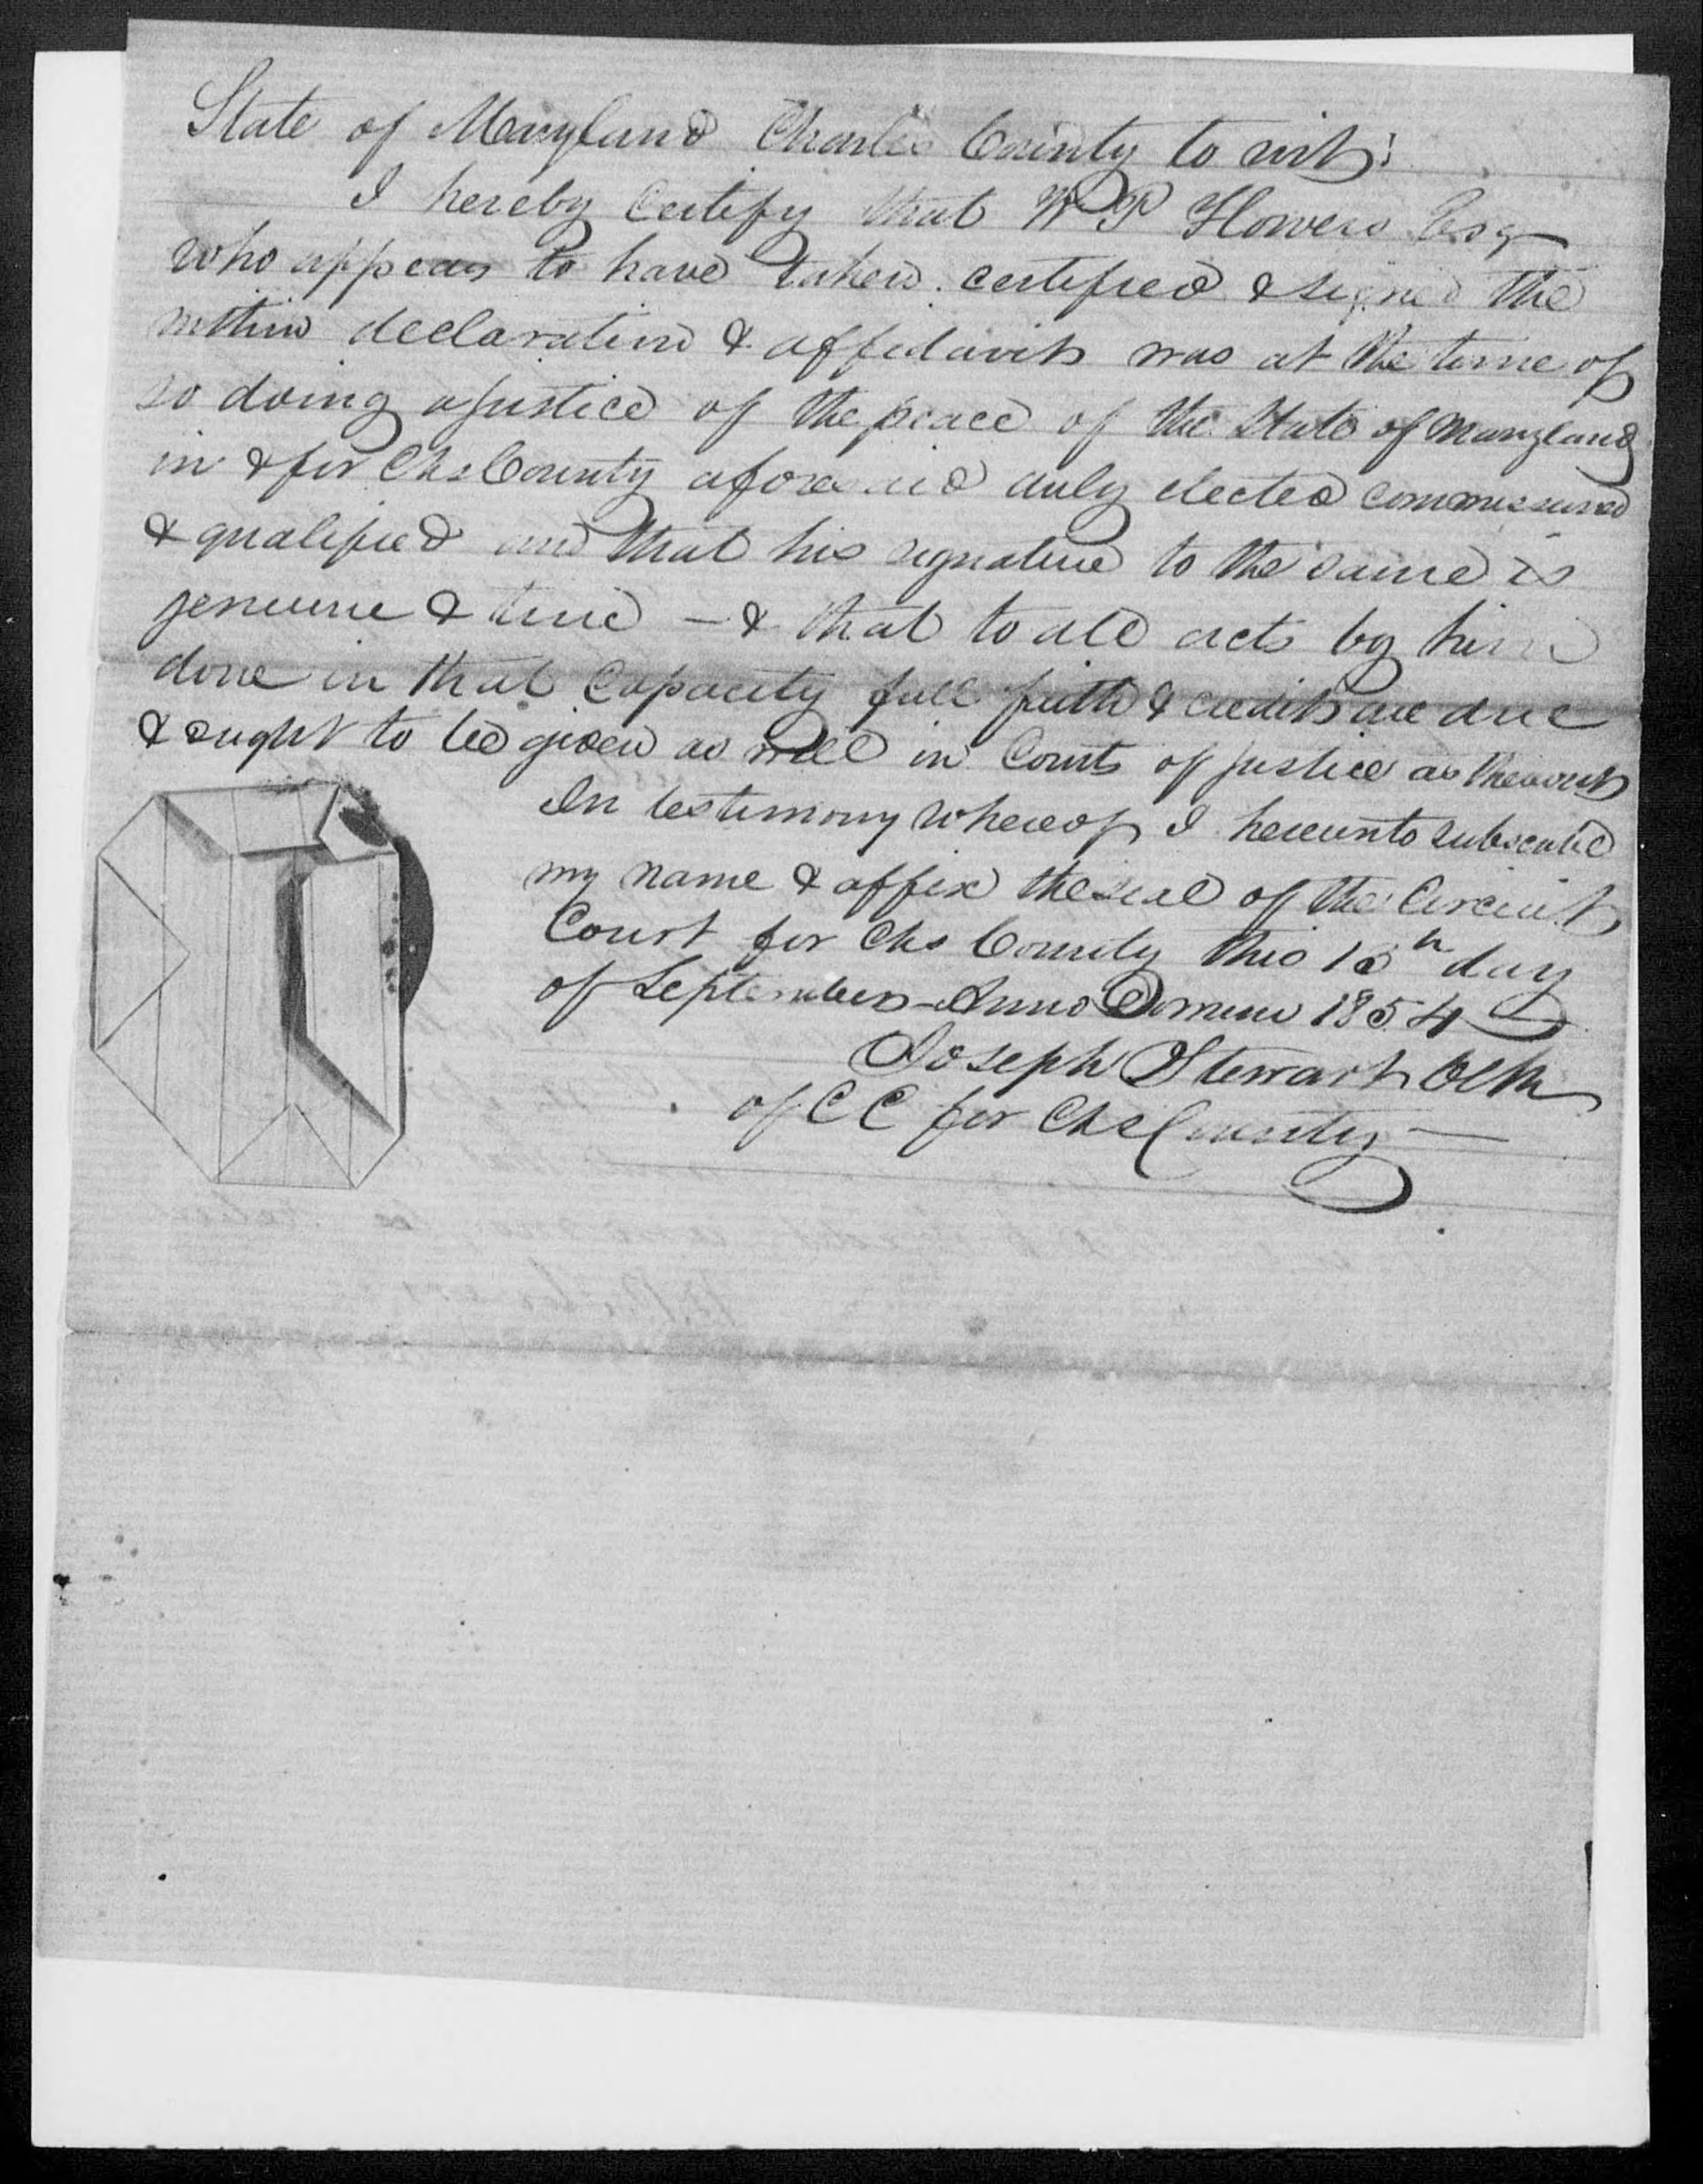State of Maryland Charles County to wit 
	I hereby certify that W. P. Flowers Esq who appears to have  taken certified and signed the within declaration and affidavit was at the time of doing so a justice of the peace of the State of Maryland in and for Chs County aforesaid duly elected commissioned &  qualified and that his signature to the same genuine & true & that to all act by his done in that capacity full faith and credit are due and ought to be given as well in Courts of justice as thereout
In testimony whereof I hereunto subscribe my name and affix the seal of the Circuit Court for Char County this 13th day of September Anno Domini  1854.
Joseph Stewart
Of CC for Chs County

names: W P Flowers, Joseph Stewart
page: 15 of 22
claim: rejected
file: R 1709, Joshua Carnes, Va.